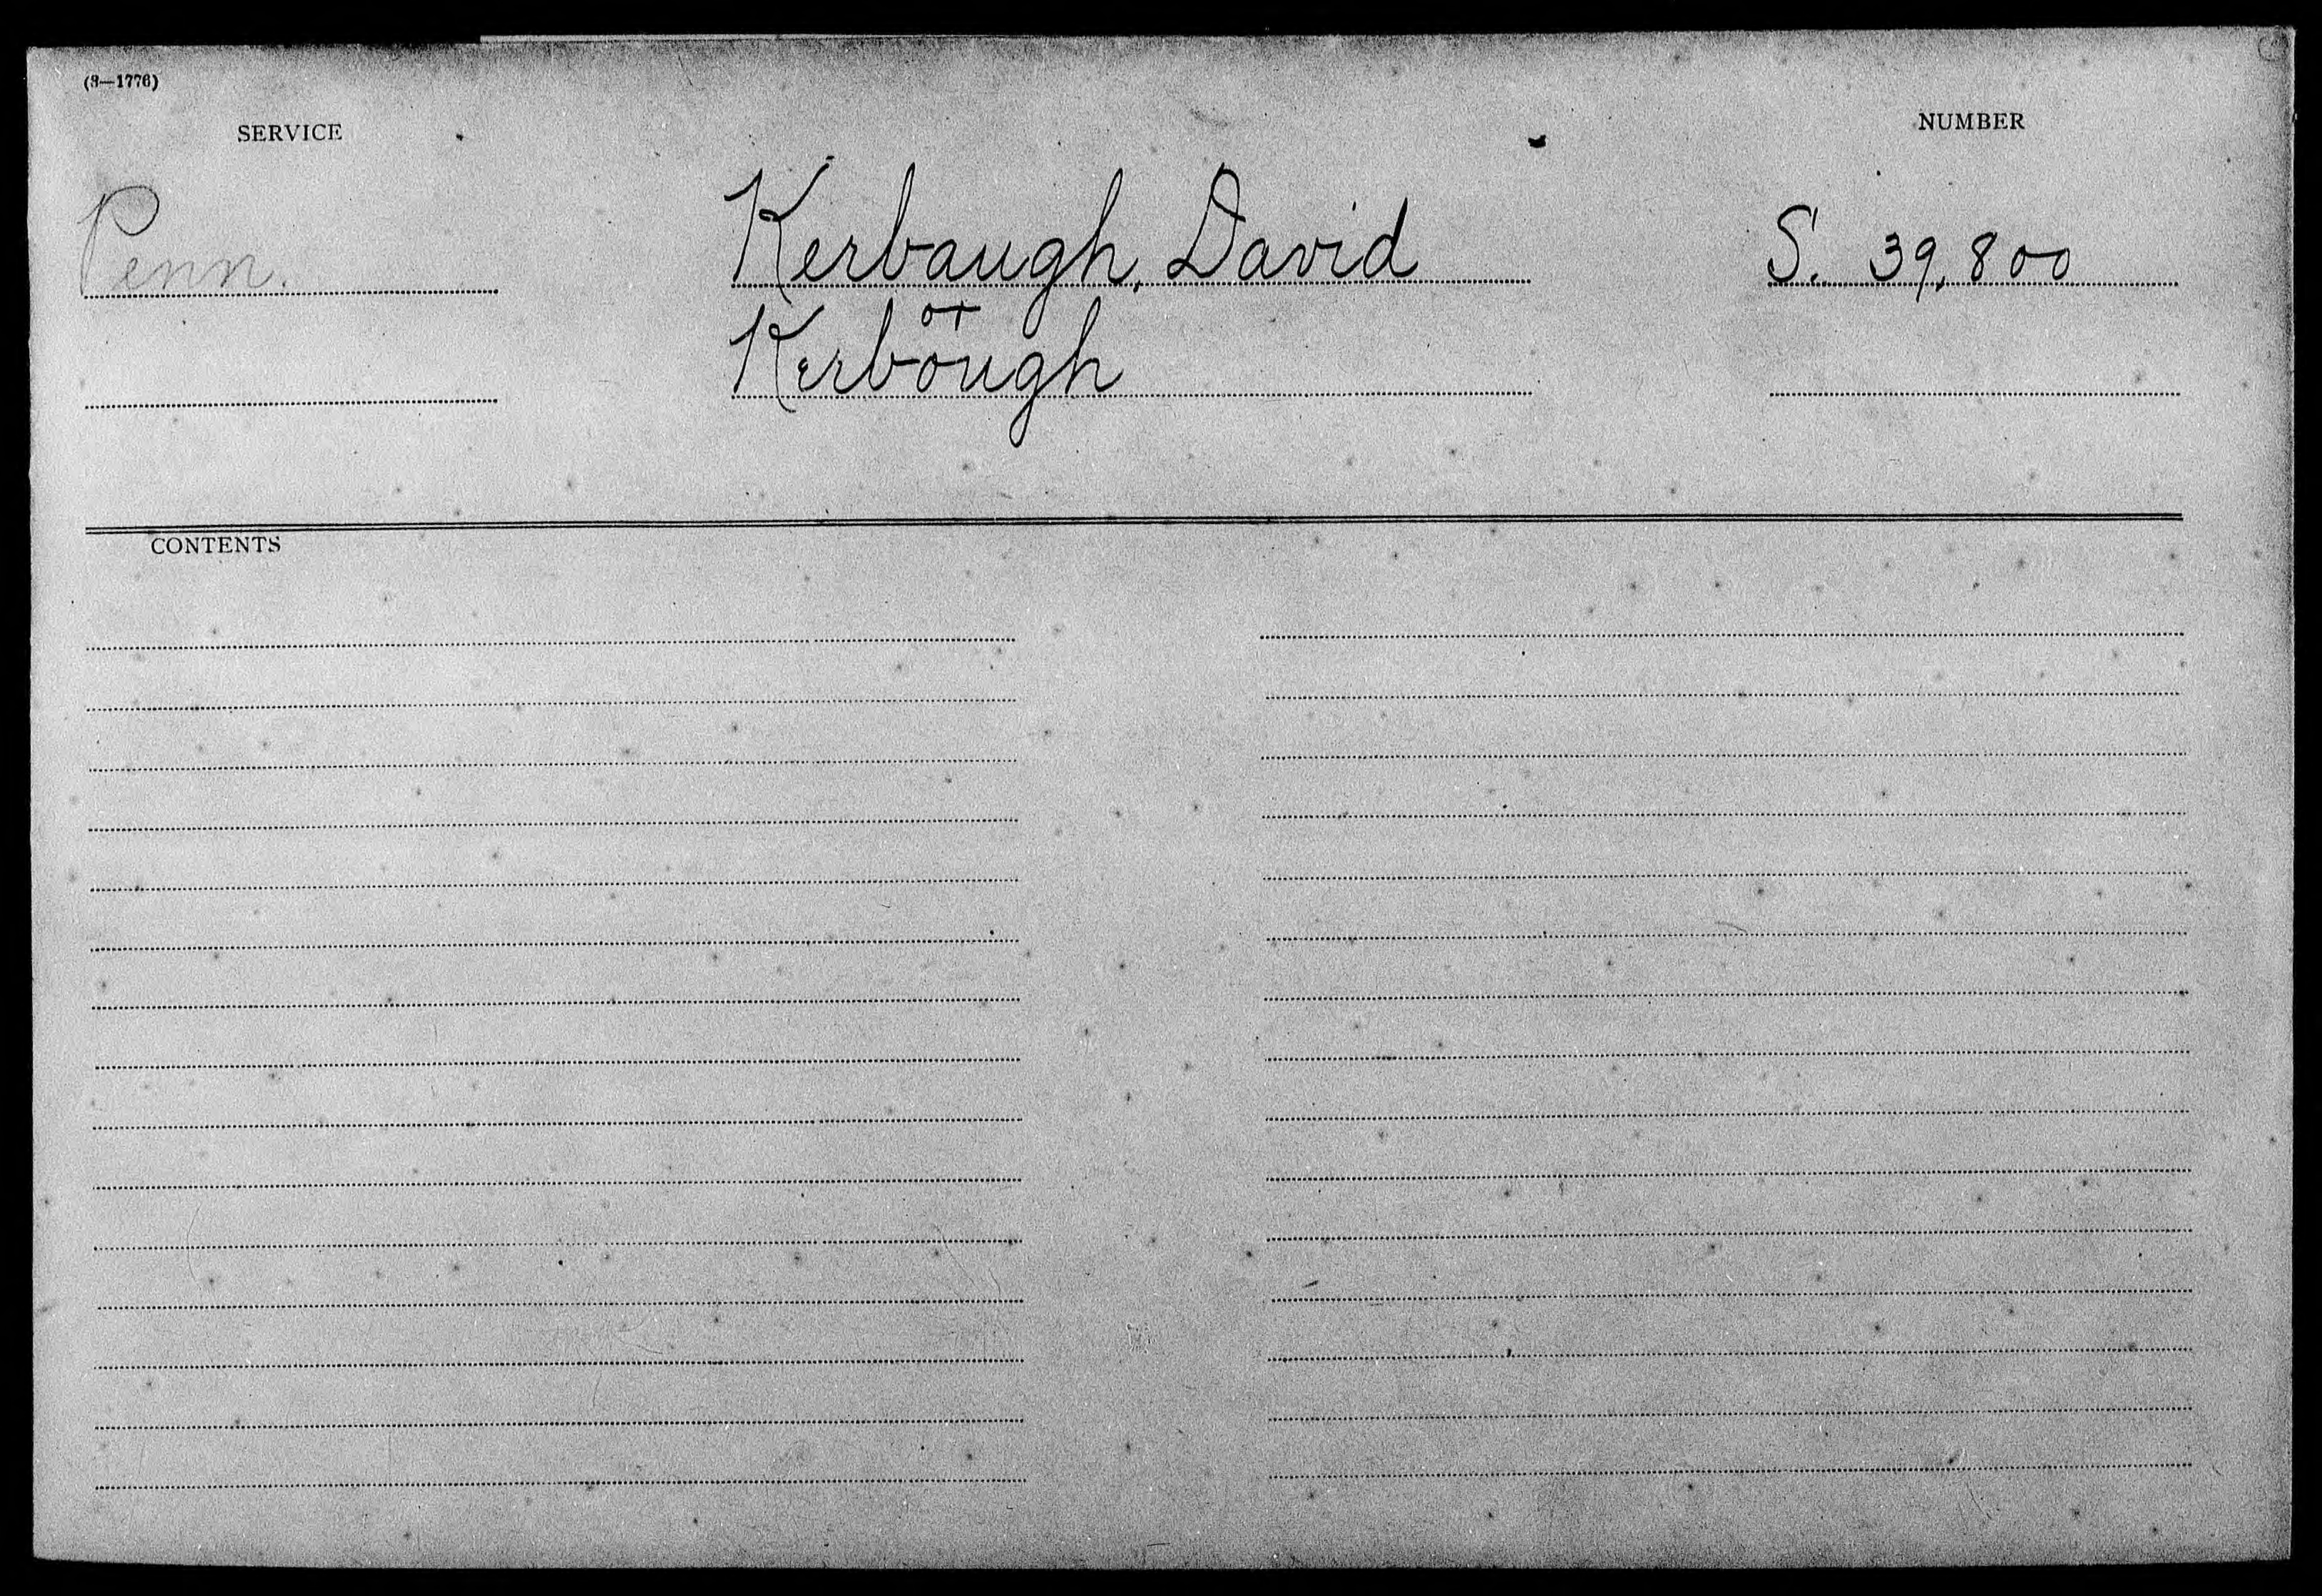Service                                           Number

Penn.            Kerbaugh, David       S.39,800
                     or Kerbough 
=======================
Contents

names: David Kerbough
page: 1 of 13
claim: survivor's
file: S. 39,800, for David Kerbaugh, Pennsylvania